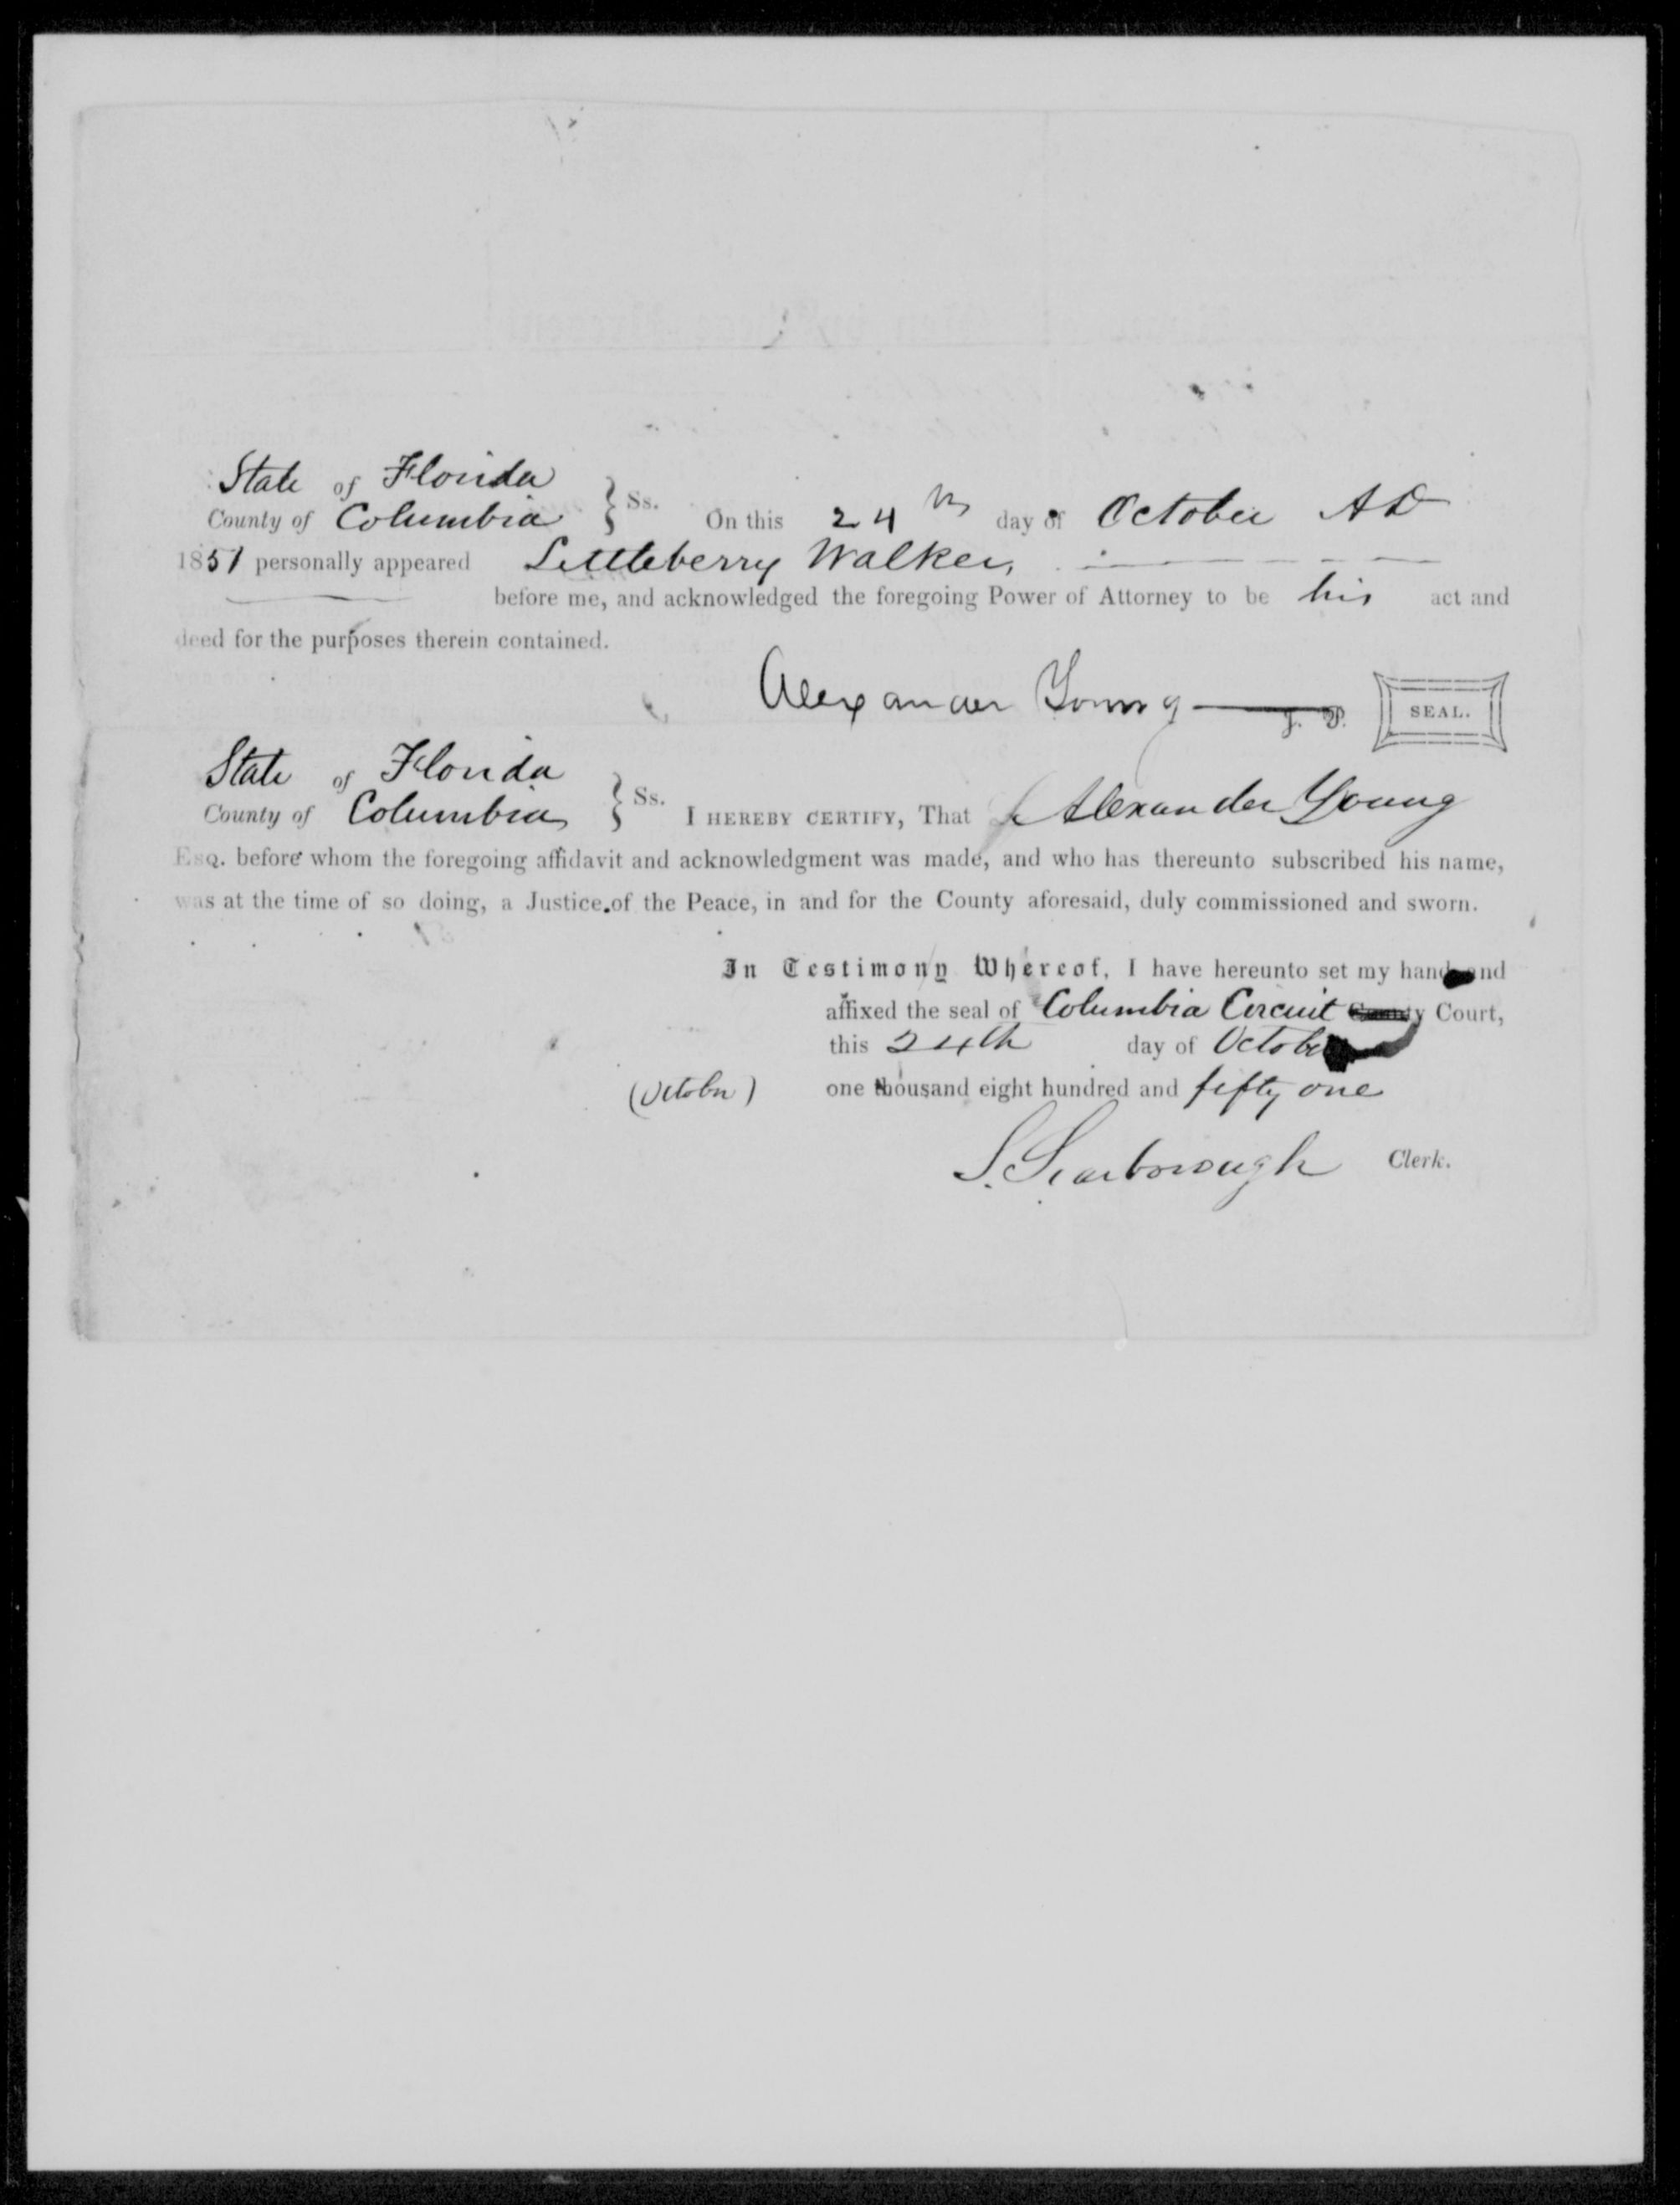State of Florida
County of Columbia
On this 24th day of October AD 1857 personally appeared Littleberry Walker before me, and acknowledged the foregoing Power of Attorney to be his act and deed for the purposes therein contained.
Alexander Young
STAMP:  SEAL

State of Florida
County of Columbia
I hereby certify that I, Alexander Young, Esq. before whom the foregoing affidavit and acknowledgement was made, and who has thereunto subscribed his name, was at the time of so doing, a Justice of the Peace, in and for the County aforesaid, duly commissioned and sworn.
In Testimony Whereof, I have hereunto st my hand and affixed the seal of Columbia Circuit Court, this 24th day of October one thousand eight hundred and fifty-one.
S.Scarborough Clerk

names: Littleberry Walker, Alexander Young, Alexander Young, S Scarborough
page: 9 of 15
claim: rejected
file: R. 11045, Littleberry Walker, Ga.